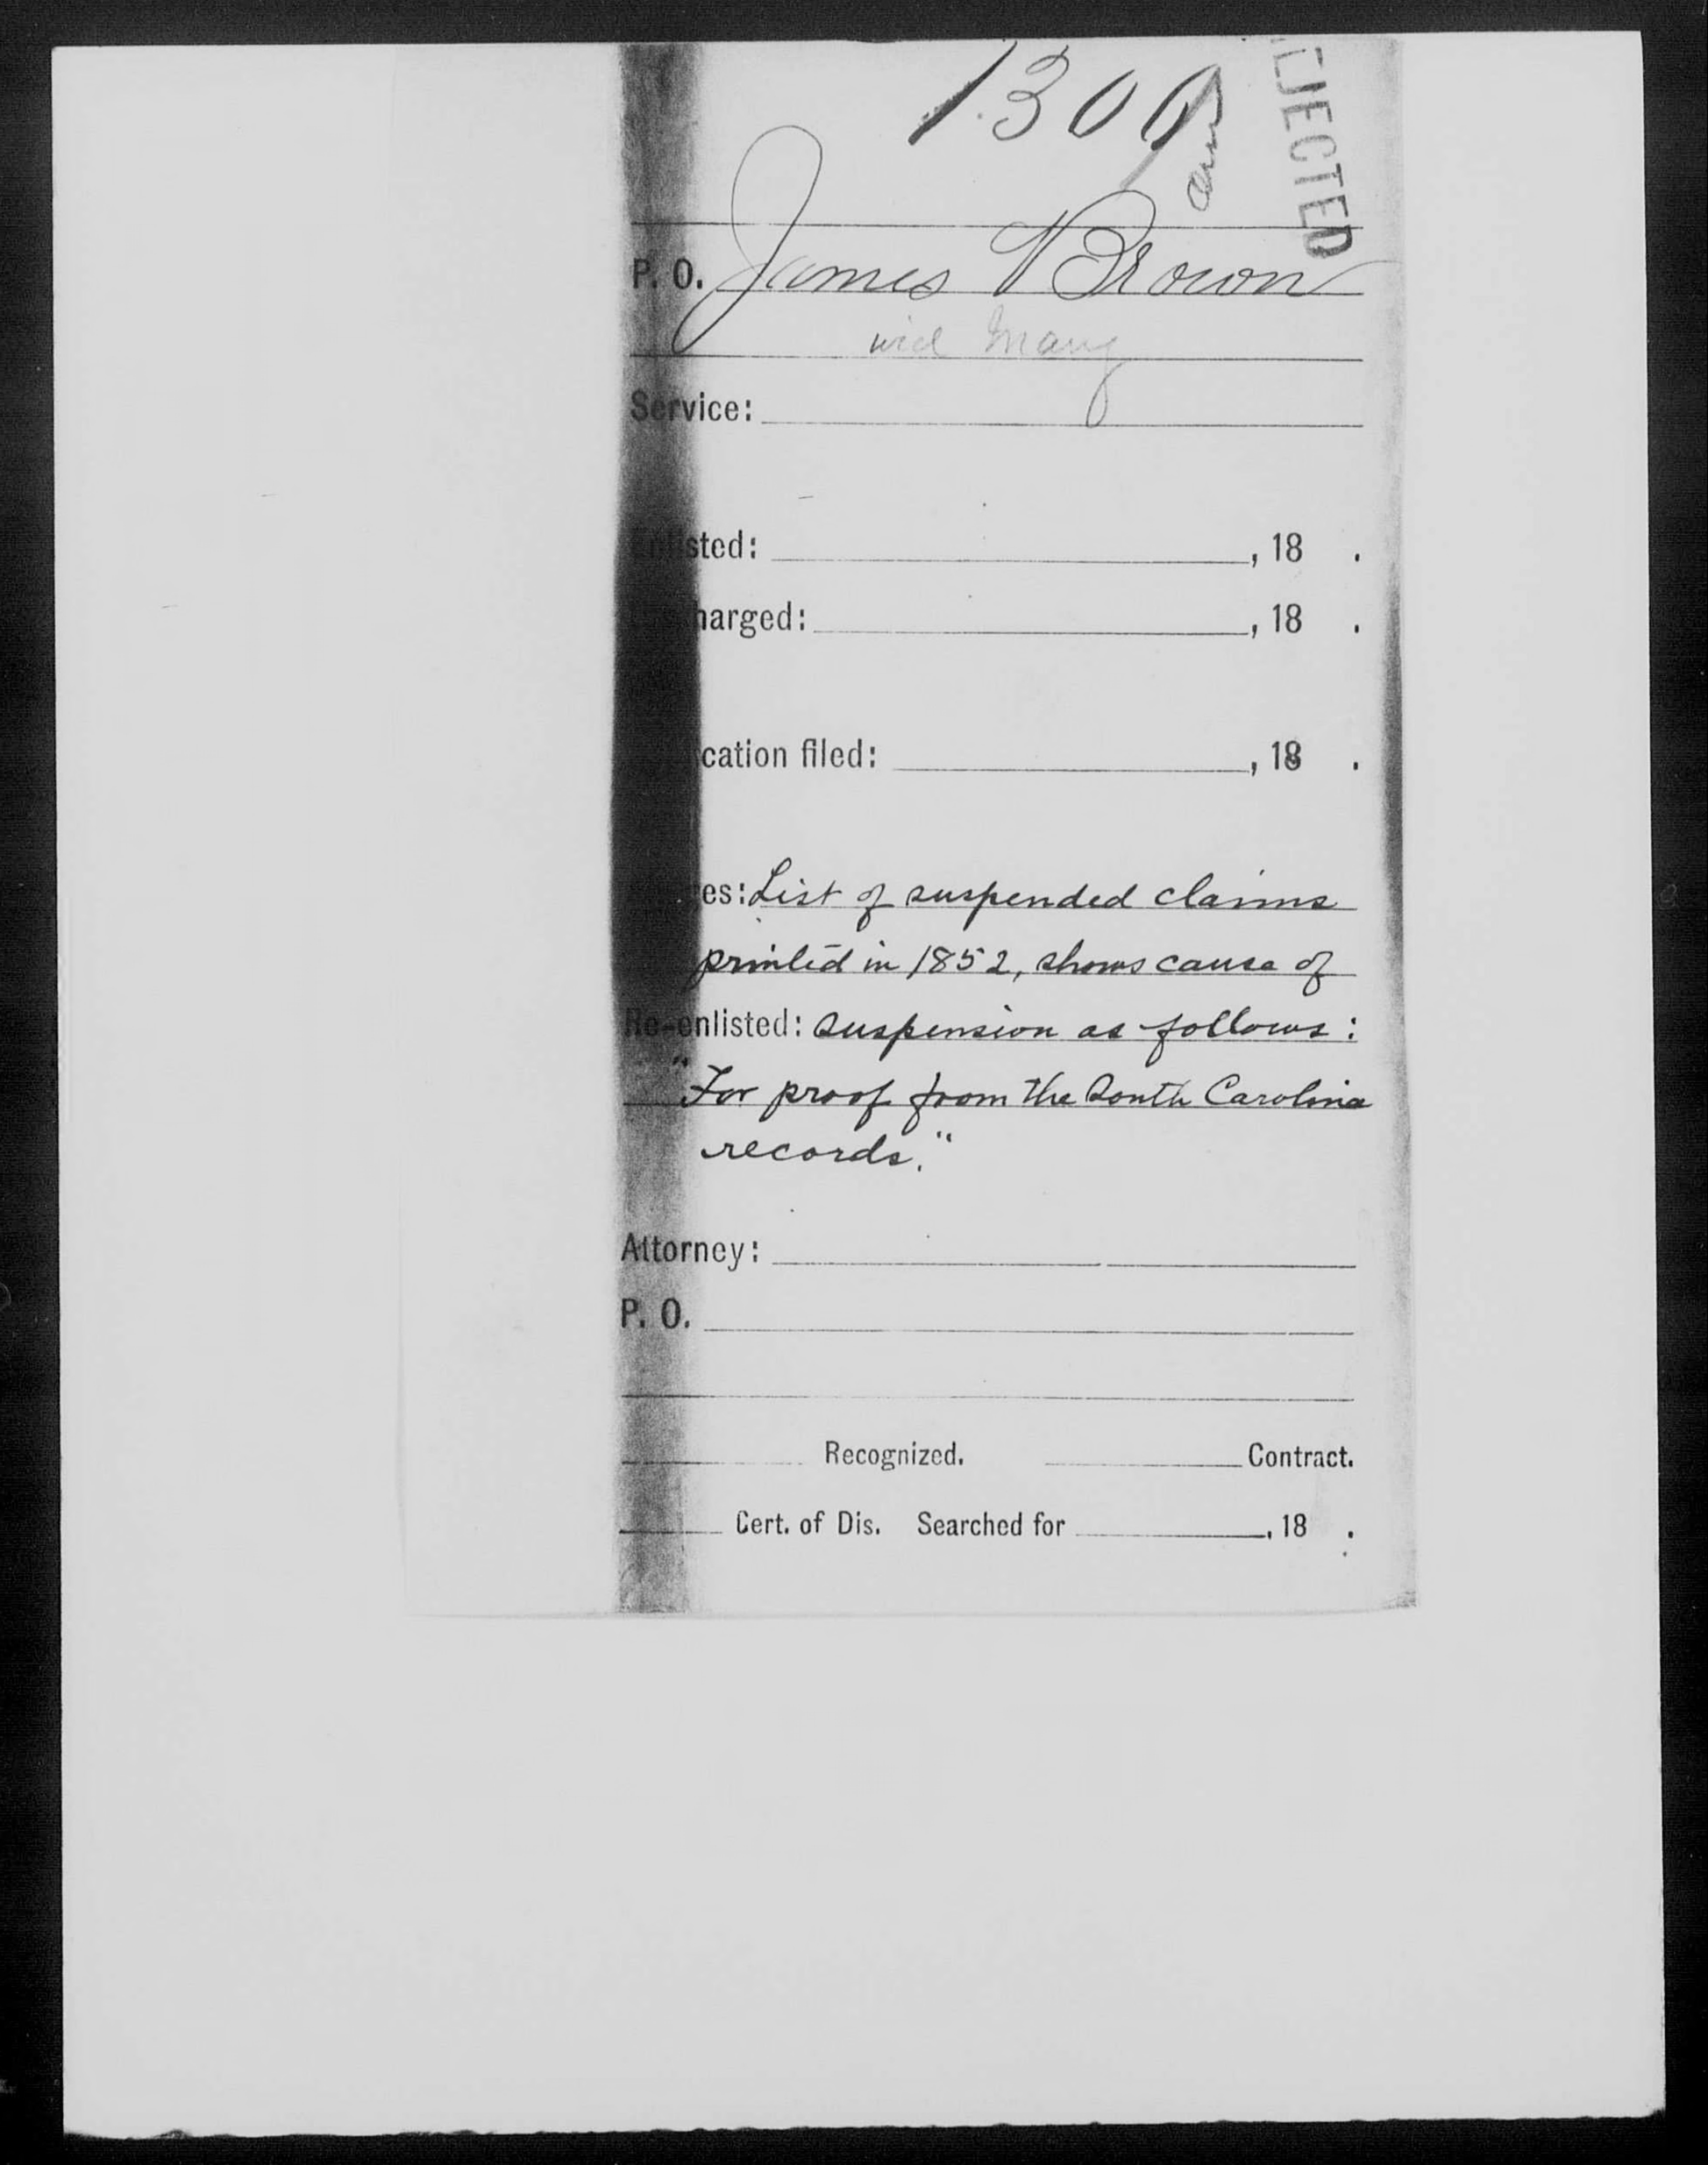REJECTED
1306
James Brown Widow Mary
List of suspended claims printed 1852 shows cause of suspension as follows: for proof from the South Carolina records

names: James Brown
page: 41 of 41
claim: rejected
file: R. 1309, James Brown, S.C.